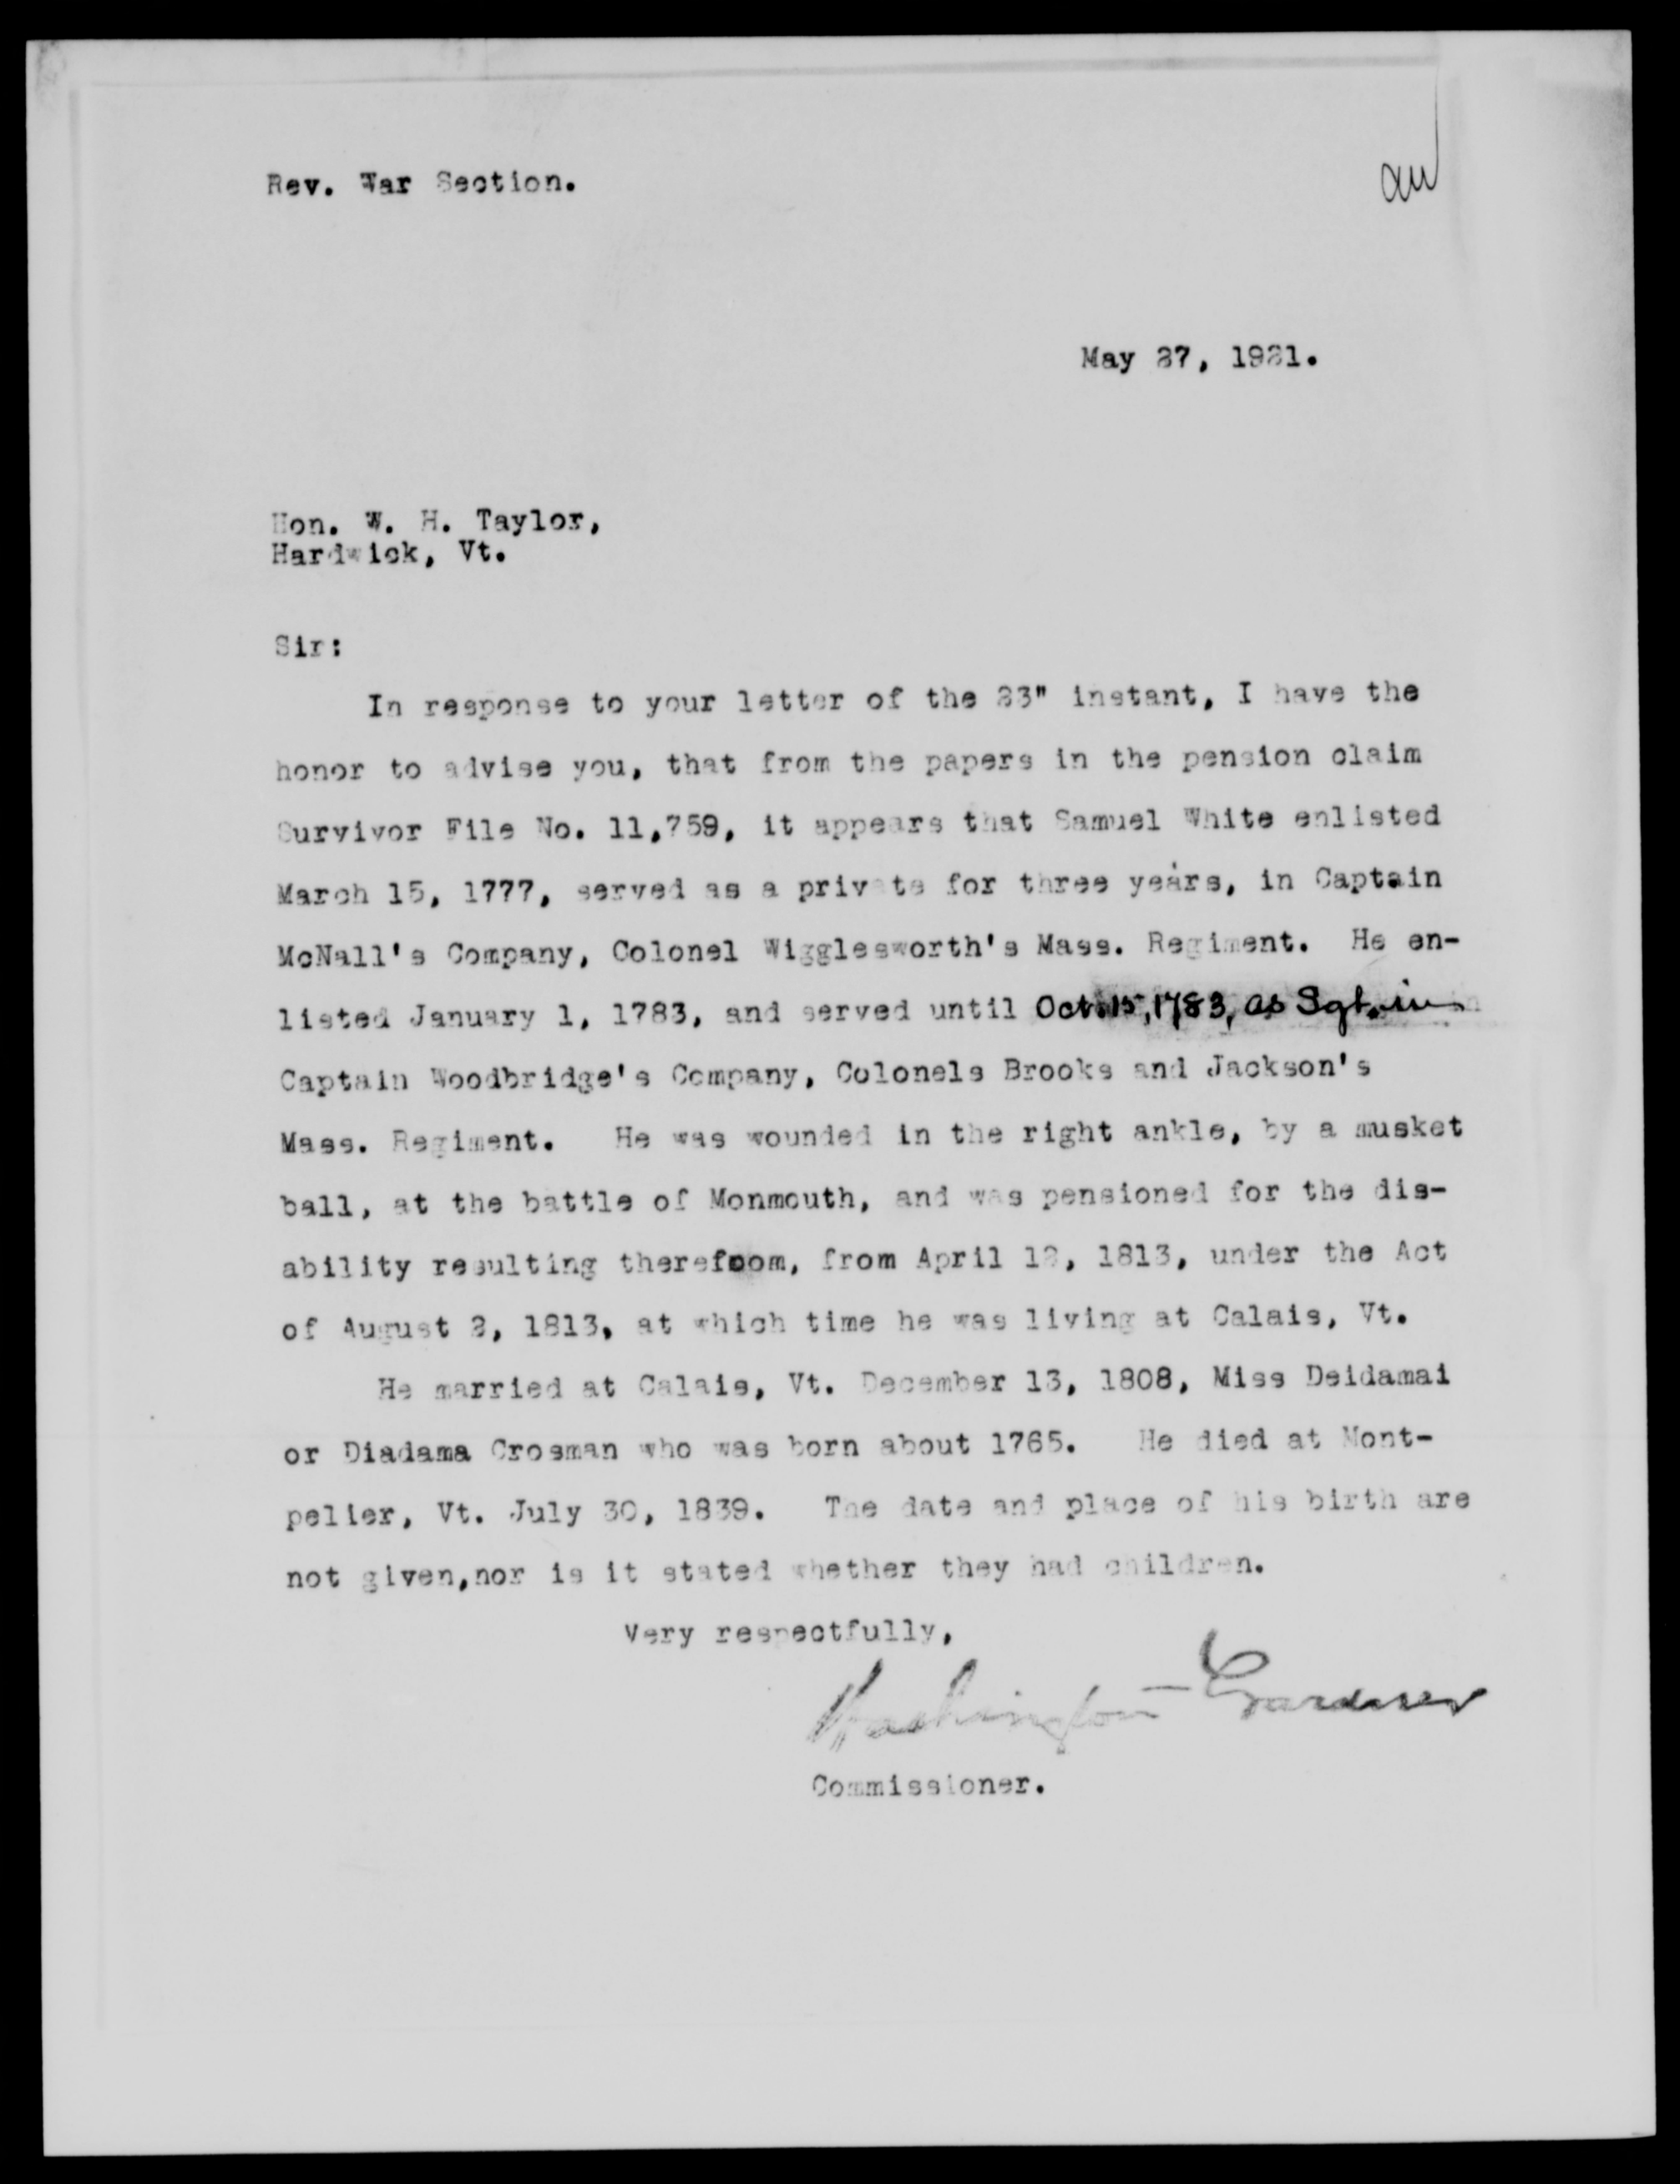Rev. Warr Section

May 27, 1921

Hon. W. H. Taylor,
Hardwick, Vt.

Sir:
In response to your letter of the 23d instant, I have the honor to advise you, that from the papers in the pension claim Survivor File No. 11,759, it appears that Samuel White enlisted march 15, 1977, served as a private for three years in Captain McNall's Company, Colonel Wigglesworth's Mass. Regiment. He enlisted January 1, 1783, and served until Oct. 15, 1783 as Sgt. in Captain Woodbridge's Company, Colonels Brooks and Jackson's Mass. Regiment. He was wounded in the right ankle, by a musket ball at the battle of Monmouth, and was pensioned for the disability resulting therefrom, from April 12, 1813, under the Act of August 2, 1813, at which time he was living at Calais, Vt.
He married at Calais, Vt. December 13, 1808, Miss Deidamai or Diadama Crosman who was born about 1765. He died at Montpelier, Vt. July 30, 1839. The date and place of his birth are not given, nor is it stated whether they had children.
Very respectfully,
Washington Gardner
Commissioner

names: Gardner, Diadama Crosman, Deidamai Crosman, W H Taylor, Samuel White, Washington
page: 16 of 79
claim: survivor's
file: S. 11759, Samuel White, Mass.